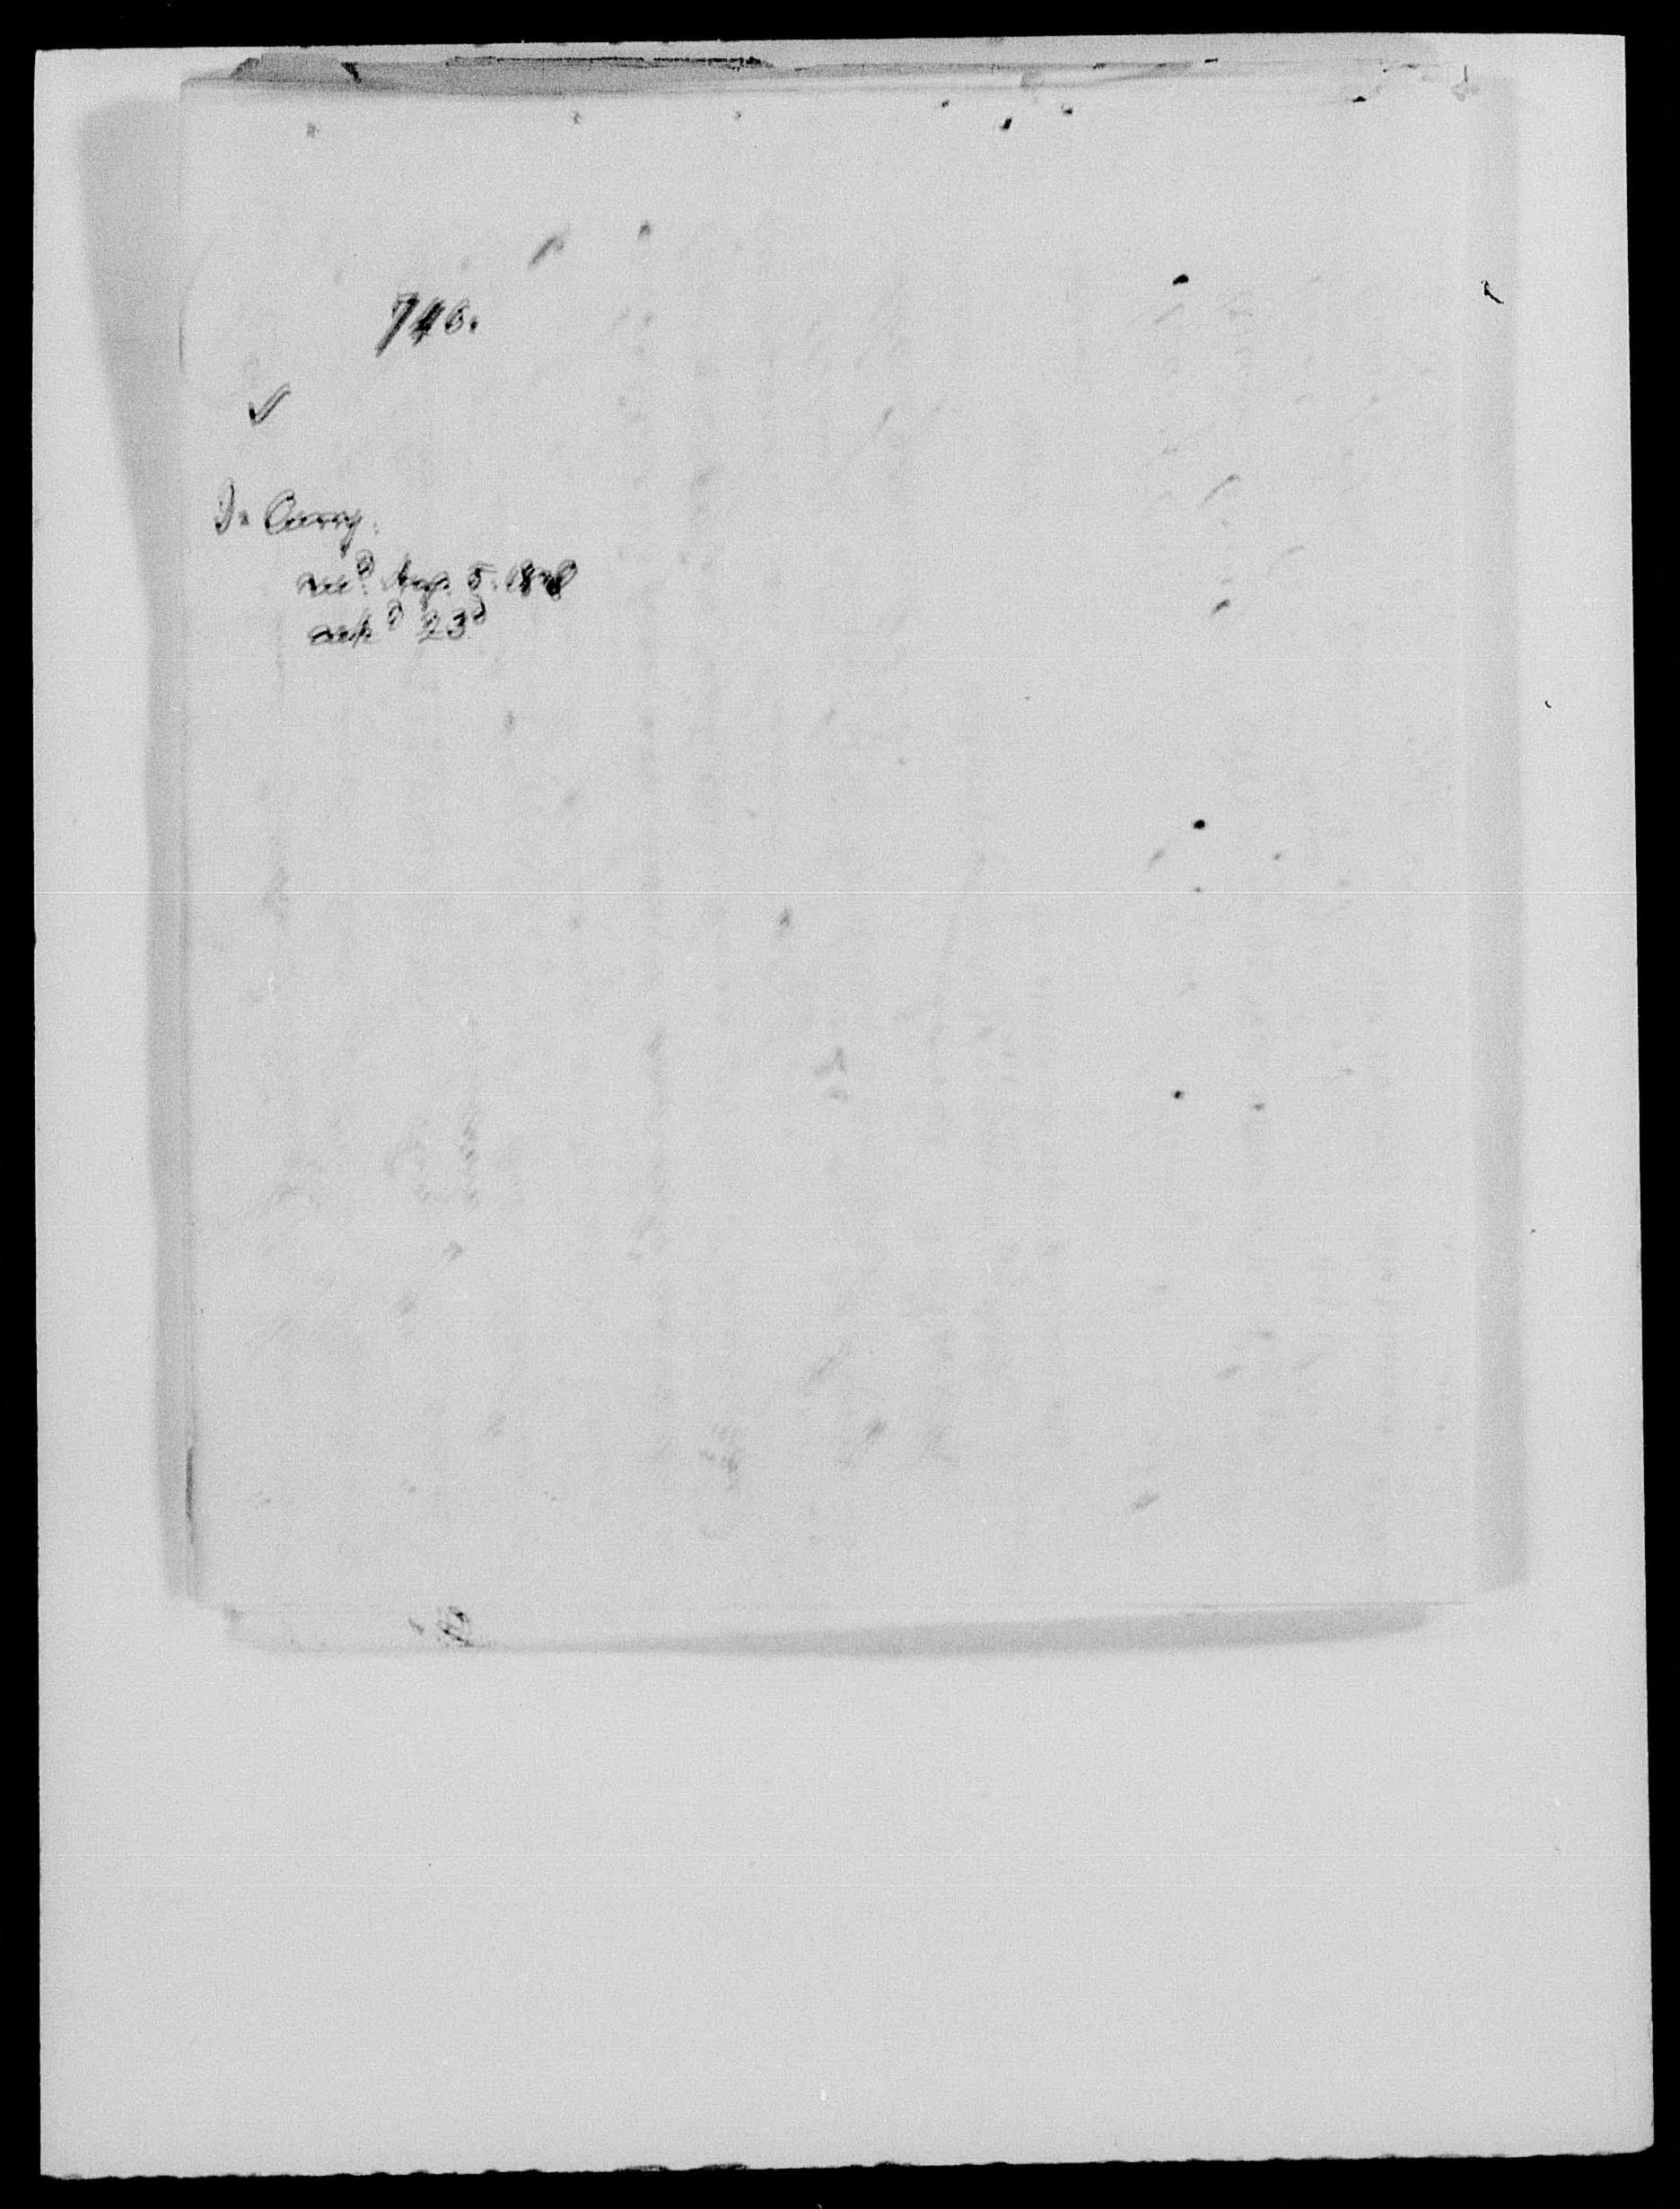746.
[Checkmark]
J. Curry
recd Aug. 5 1848
and 23d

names: J Curry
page: 11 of 32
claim: survivor's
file: S. 44230, James Curry, Va.